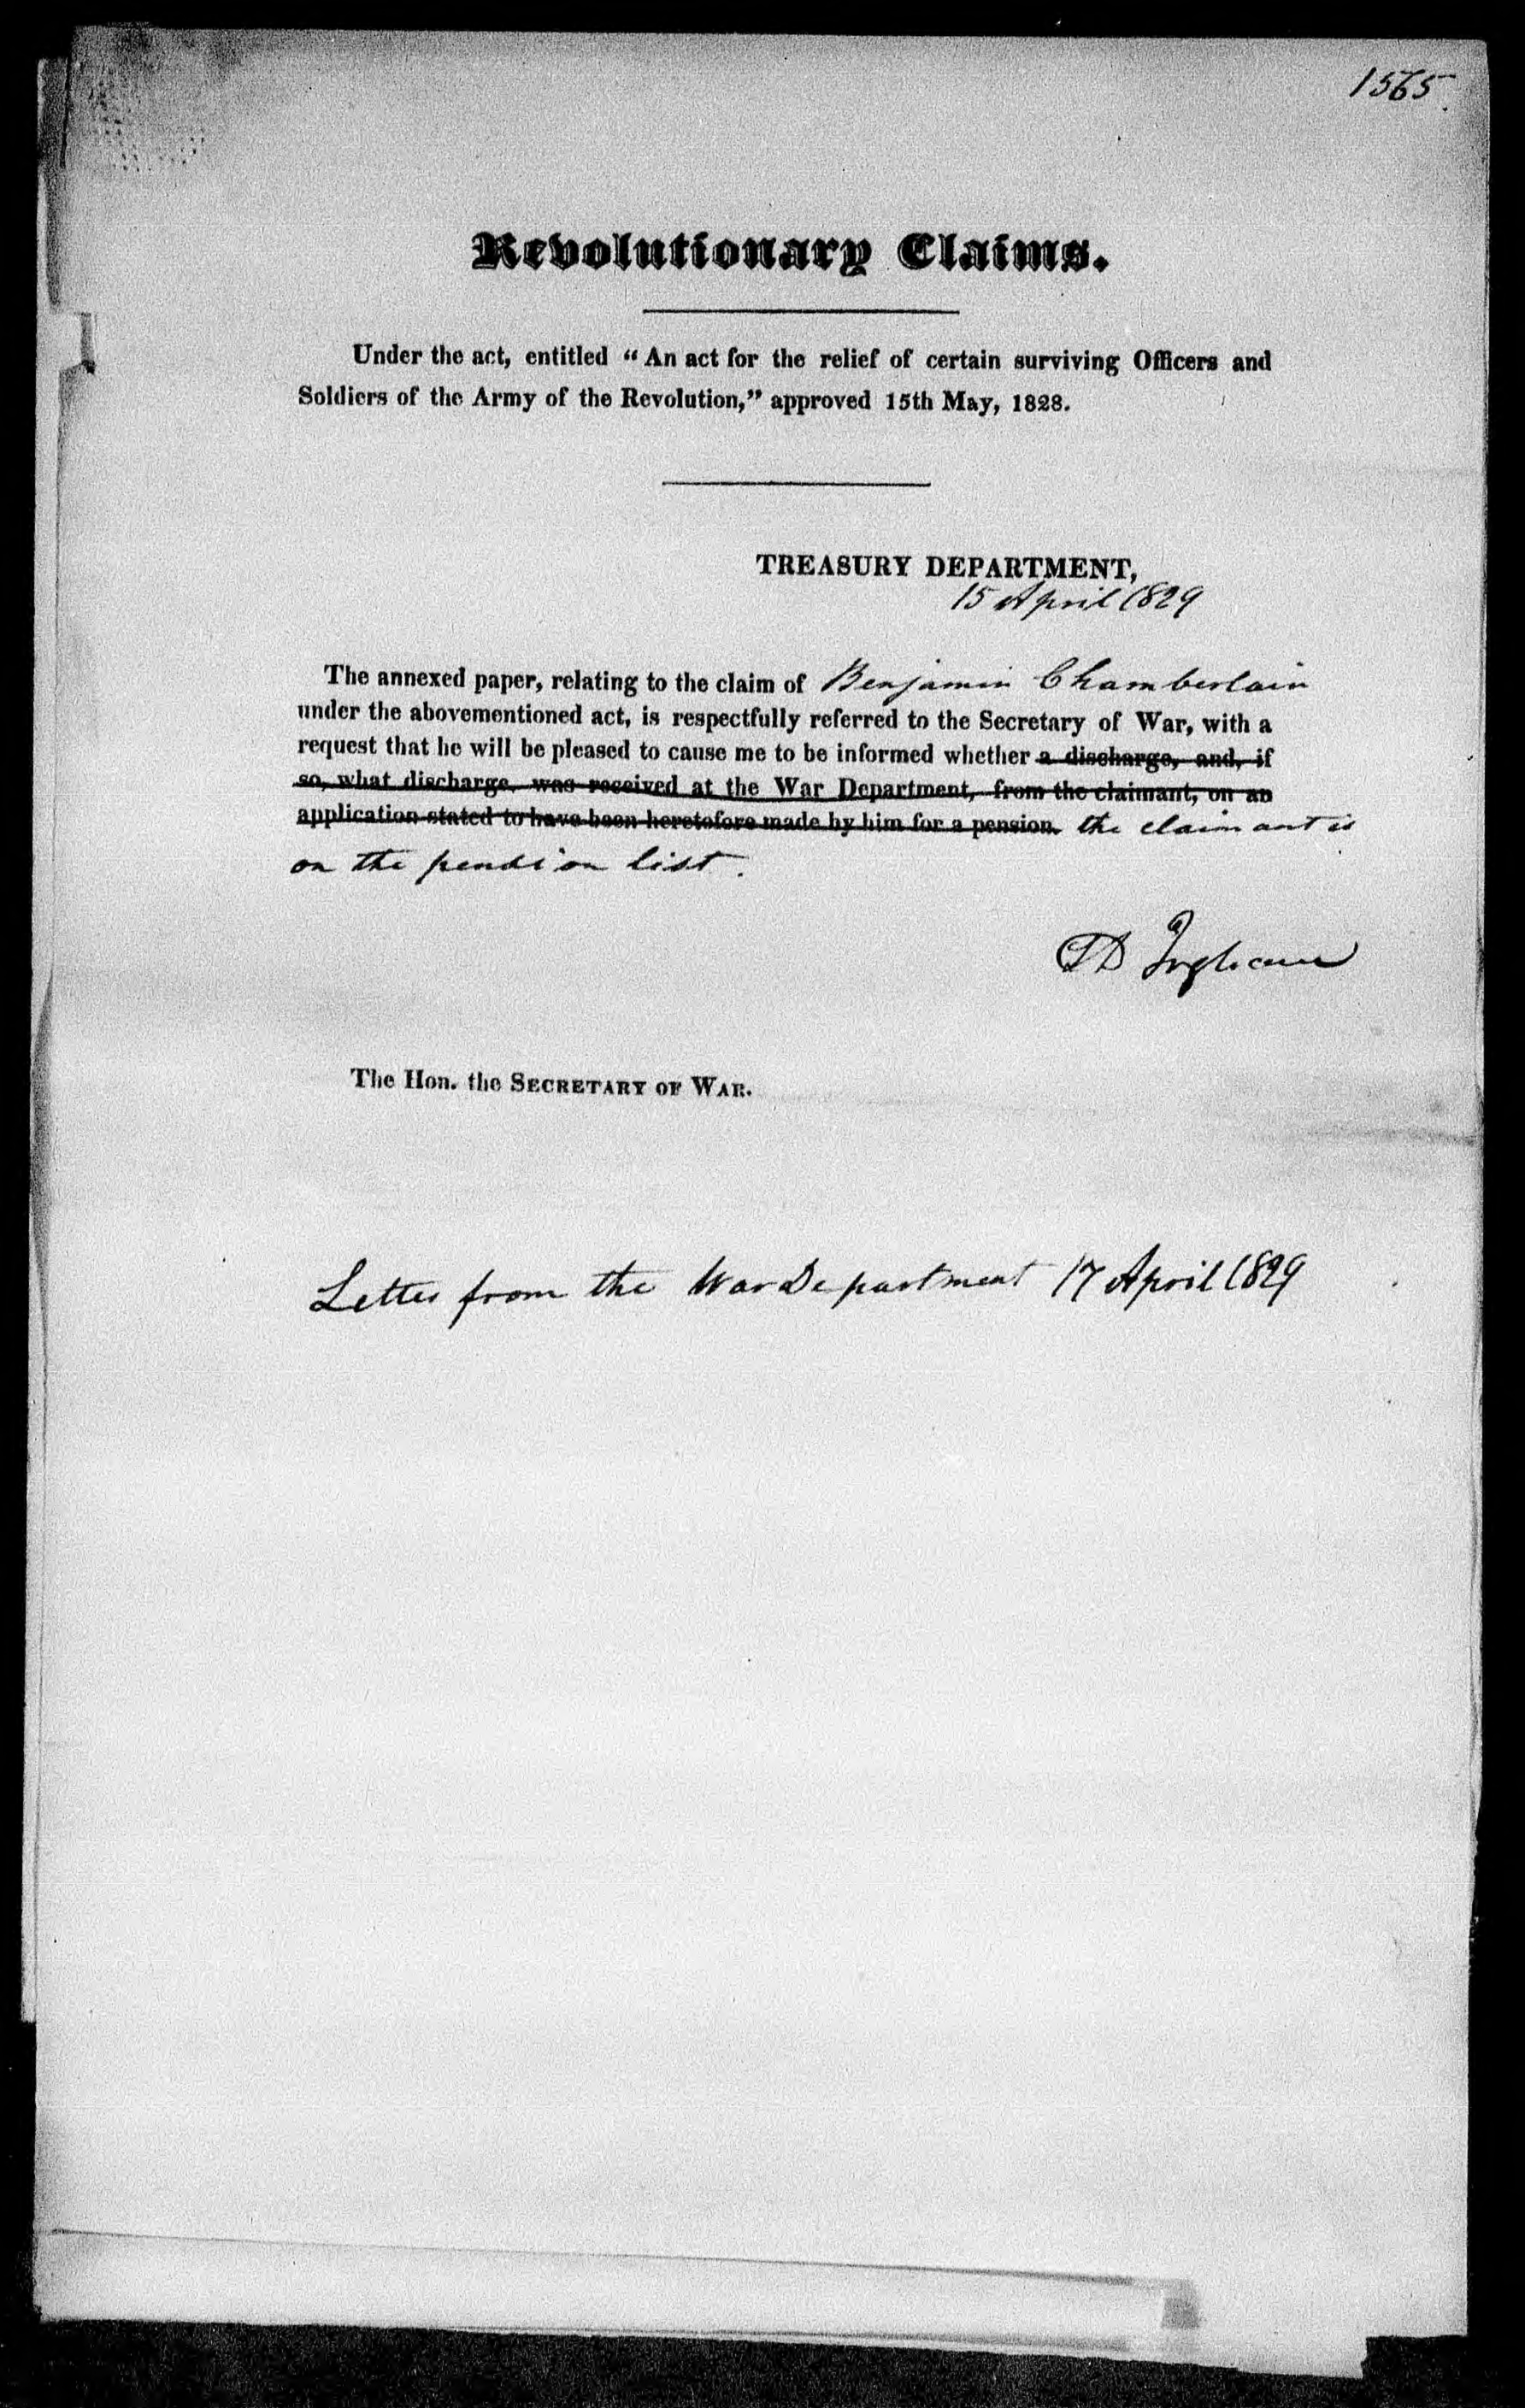1565

Revolutionary Claims

------

Under the act, entitled "An act for the relief of certain surviving officers and soldiers of the Army of the Revolution," approved 15th May, 1828.

-------

Treasury Department
15 April 1829

The annexed paper, relating to the claim of Benjamin Chamberlain under the aforementioned act, is respectfully referred to the Secretary of War, with a request that he will be pleased to cause me to be informed whether the claim amount is on the pension list.

S.D. Ingham
The Hon. the Secretary of War

Letter from the War Department 17 April 1829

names: S D Ingham, Benjamin Chamberlain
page: 29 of 30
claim: survivor's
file: S. 39306, Benjamin Chamberlin, Mass.